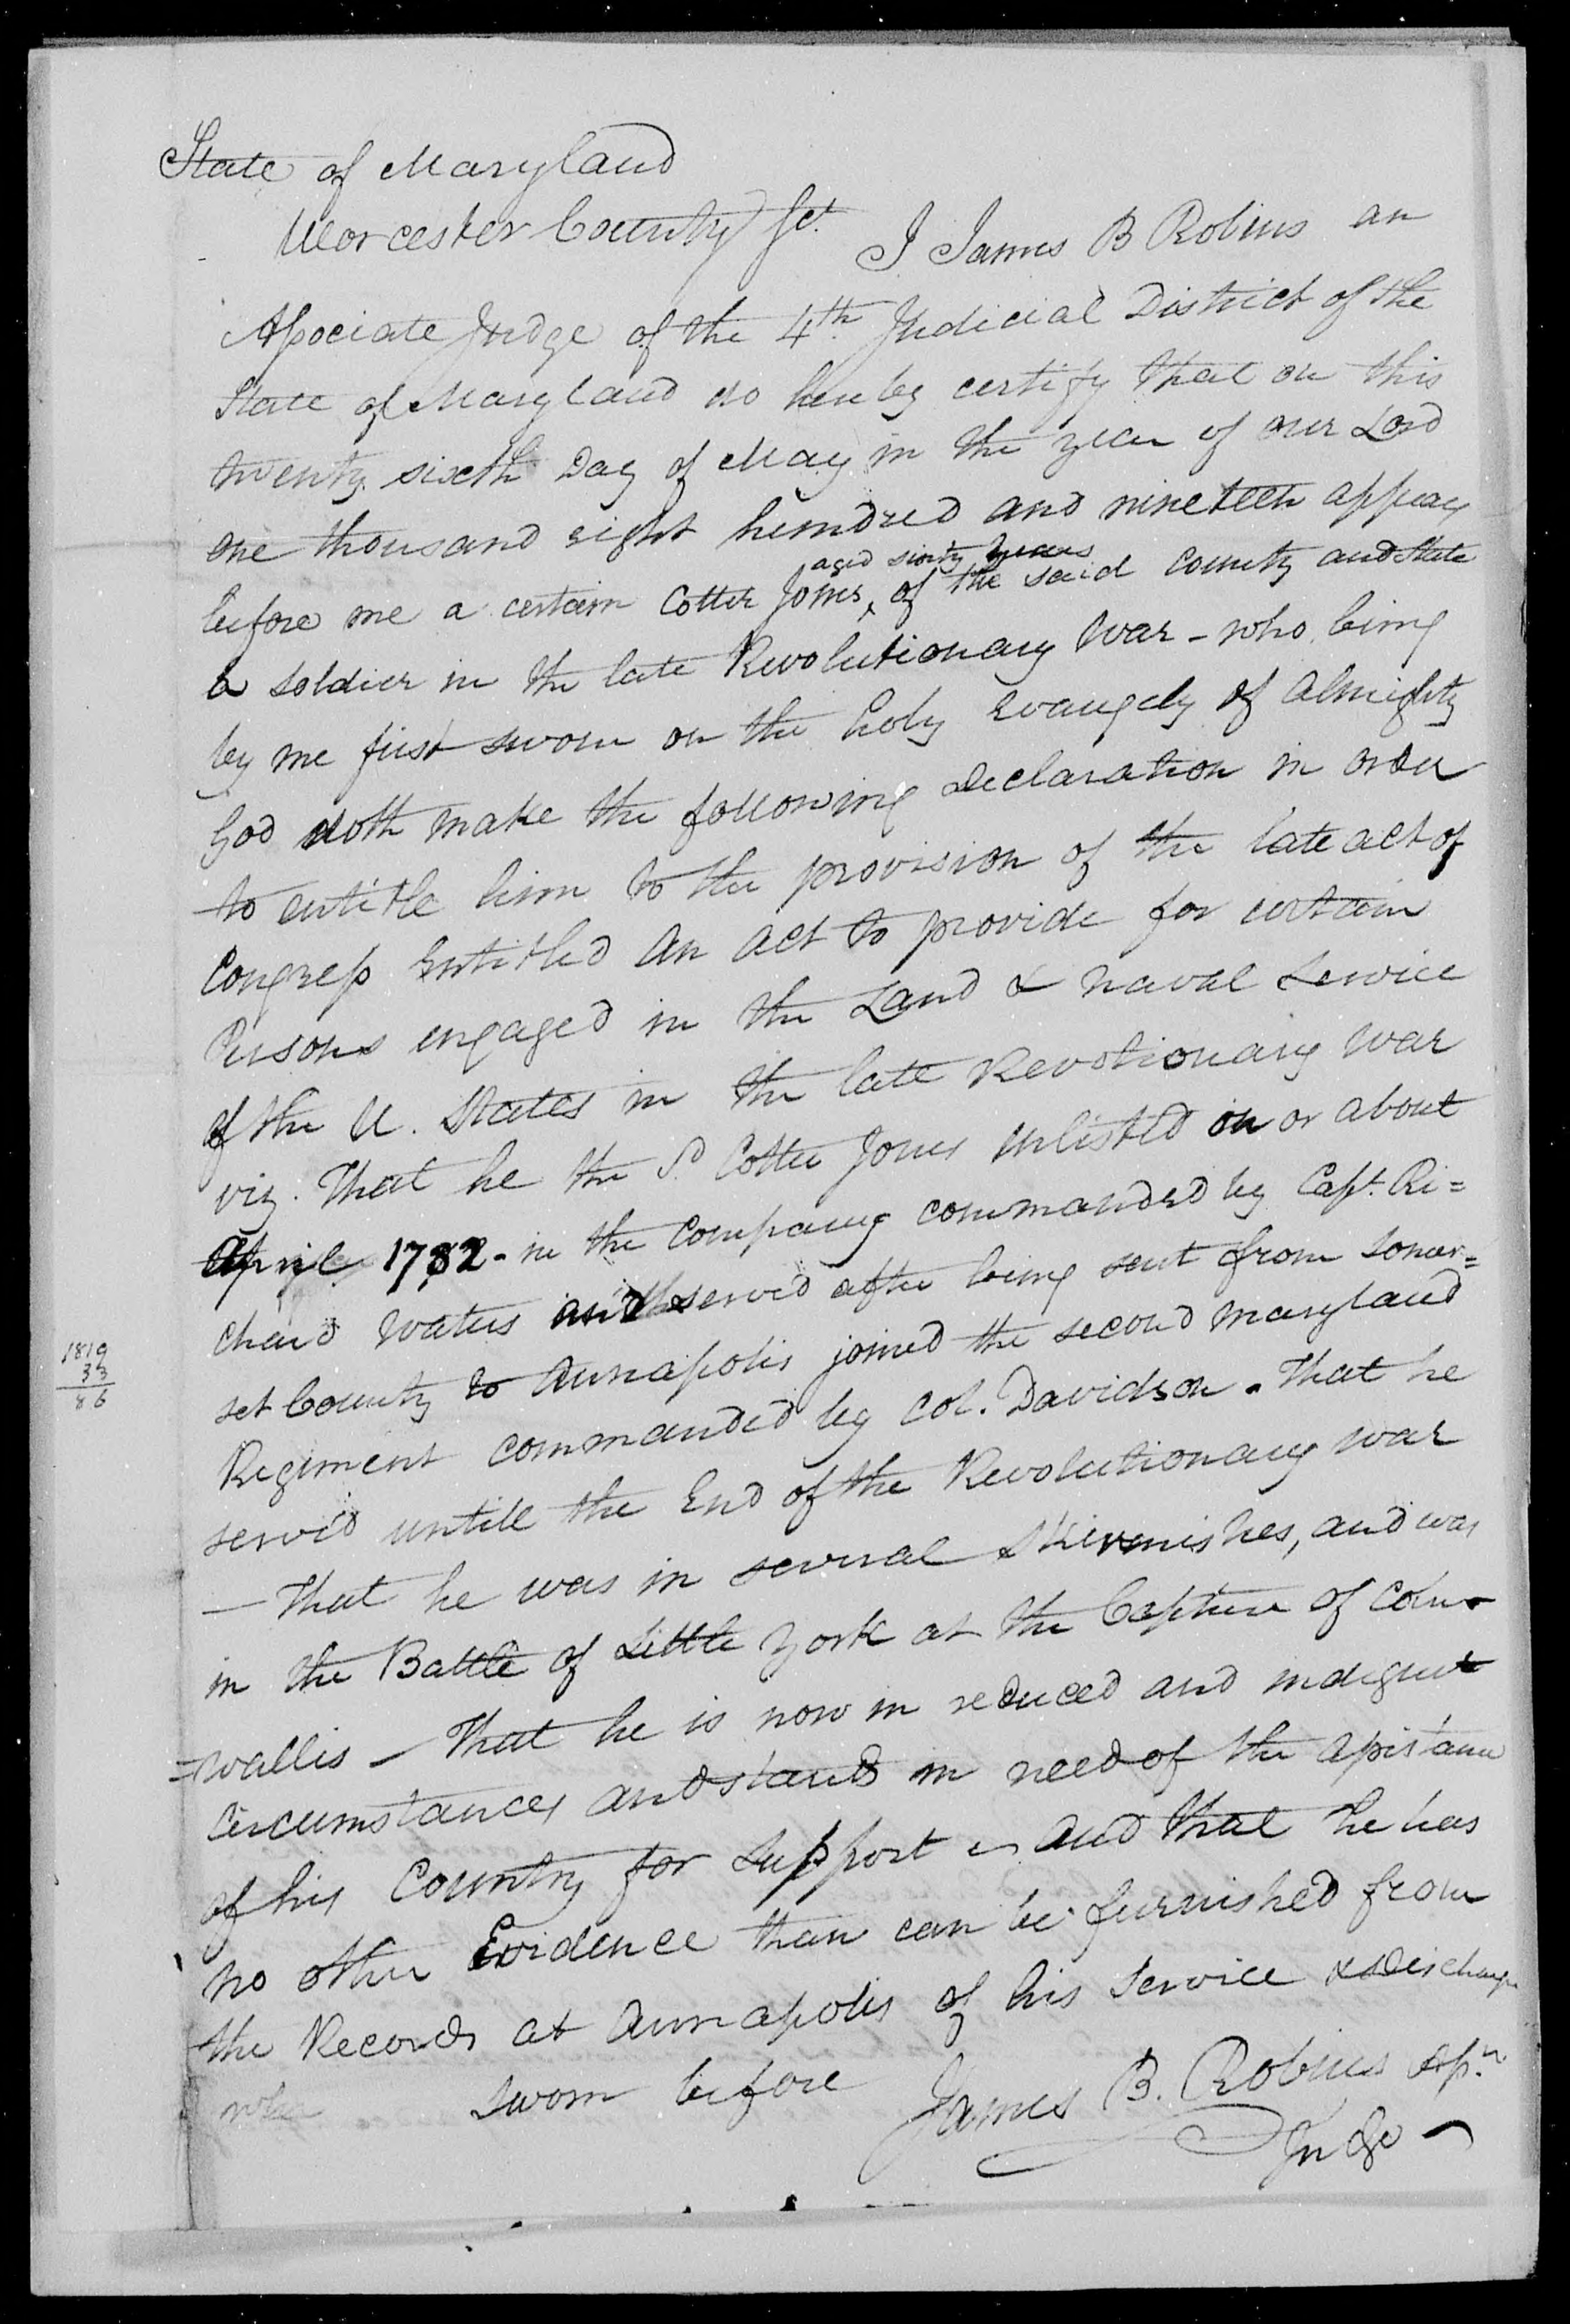State of Maryland
Worcester County

I James B Robins an associate Judge of the 4th judicial district of the state of Maryland do hereby certify that on this twenty-sixth day of May in the year of our Lord one thousand eight hundred and nineteen appears before me a certain Cotter Jones aged sixty years of the said county and state a soldier in the late revolutionary war - who being by me first sworn on the holy Evangely of almighty God doth make the following declaration in order to entitle him to the provision of the slate act of congress entitled an act to provide for certain persons engaged in the land and naval service of the U. States in the late revolutionary war viz. That he the said Cotter Jones enlisted on or about April 1782 in the company commanded by Capt. Richard Waters and served after being sent from Somerset County to Annapolis joined the second Maryland regiment commanded by Col. Davidson. That he served until the end of the Revolutionary War - that he was in several skirmishes and was  in the battle of Little York at the capture of Cornwallis - that he is now in reduced and indigent circumstances and stands in need of the assistance of his country for support and that he has no other evidence than can be furnished from the records at Annapolis of his service & discharge.

Sworn before
James B Robins - Asso. Judge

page: 9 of 15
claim: survivor's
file: S. 34946, for Cotter Jones, Maryland